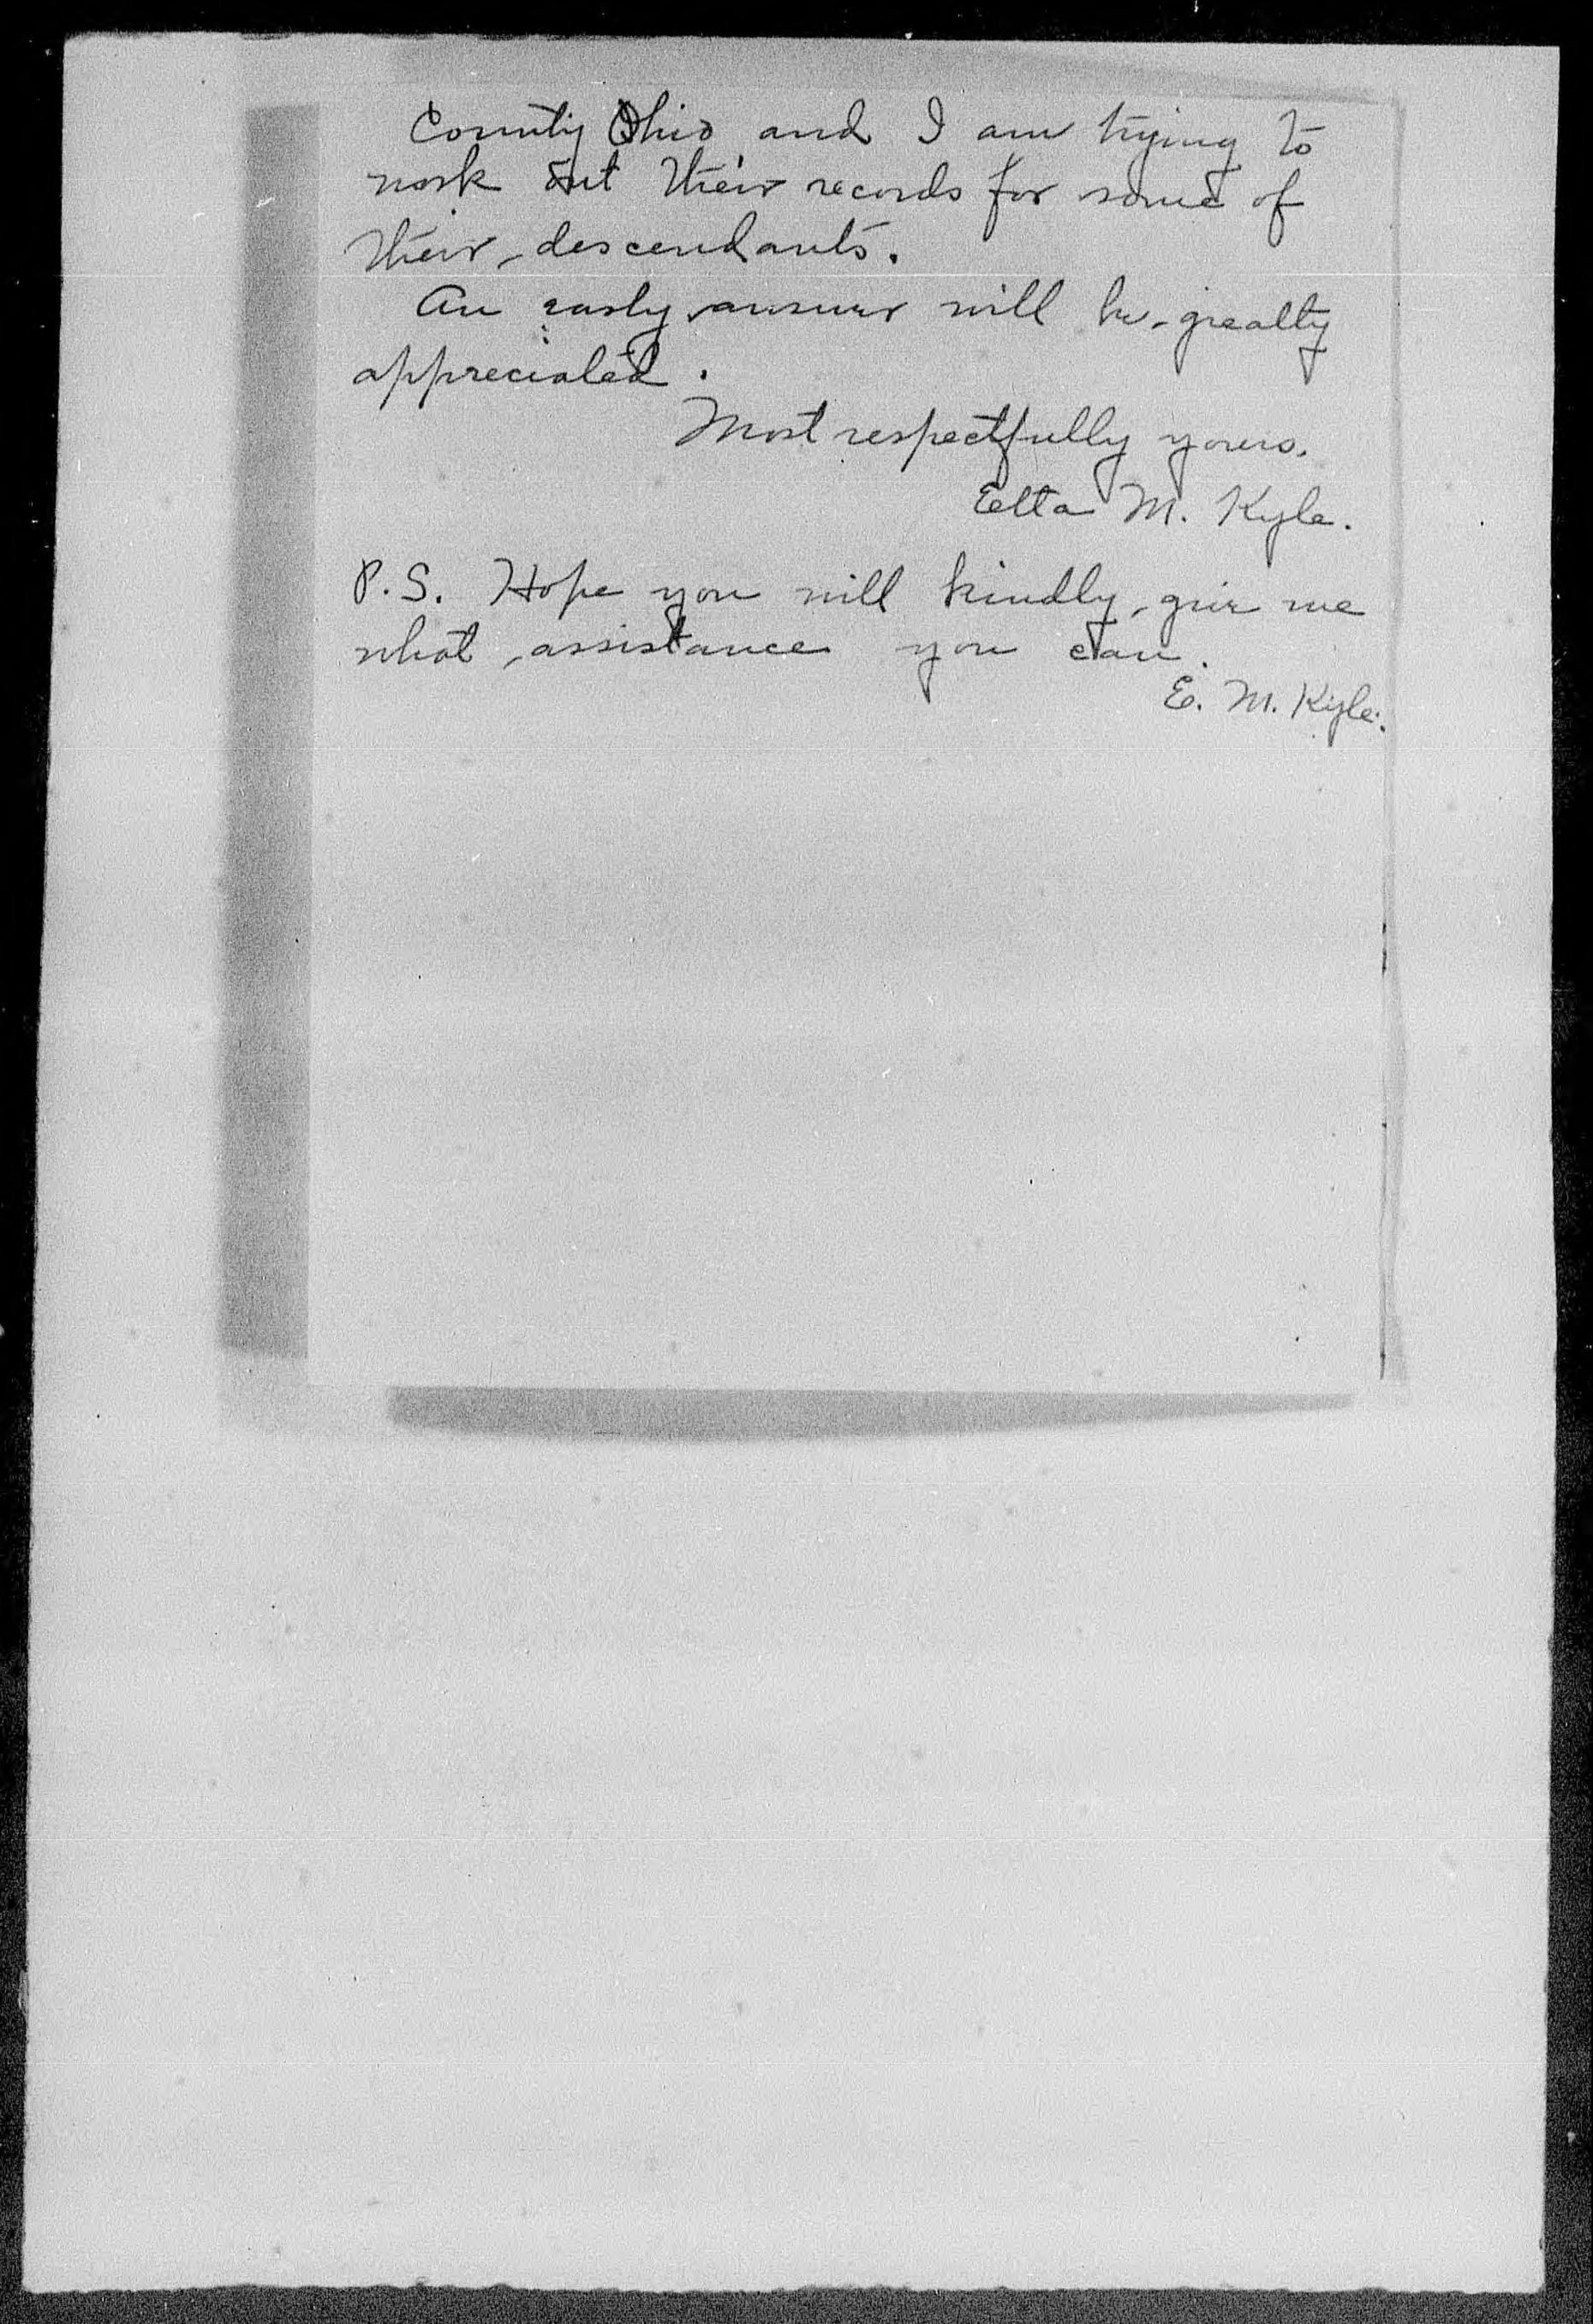County Ohio and I am trying to work out their records for some of their descendants

An early answer will be greatly appreciated
Most respectfully yours,
Etta M. Kyle

P.S. Hope you will kindly give me what assistance you can
E.M. Kyle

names: P S Hope, Etta M Kyle, E M Kyle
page: 71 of 80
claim: widow's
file: W 2070, John Crawford, Penn.